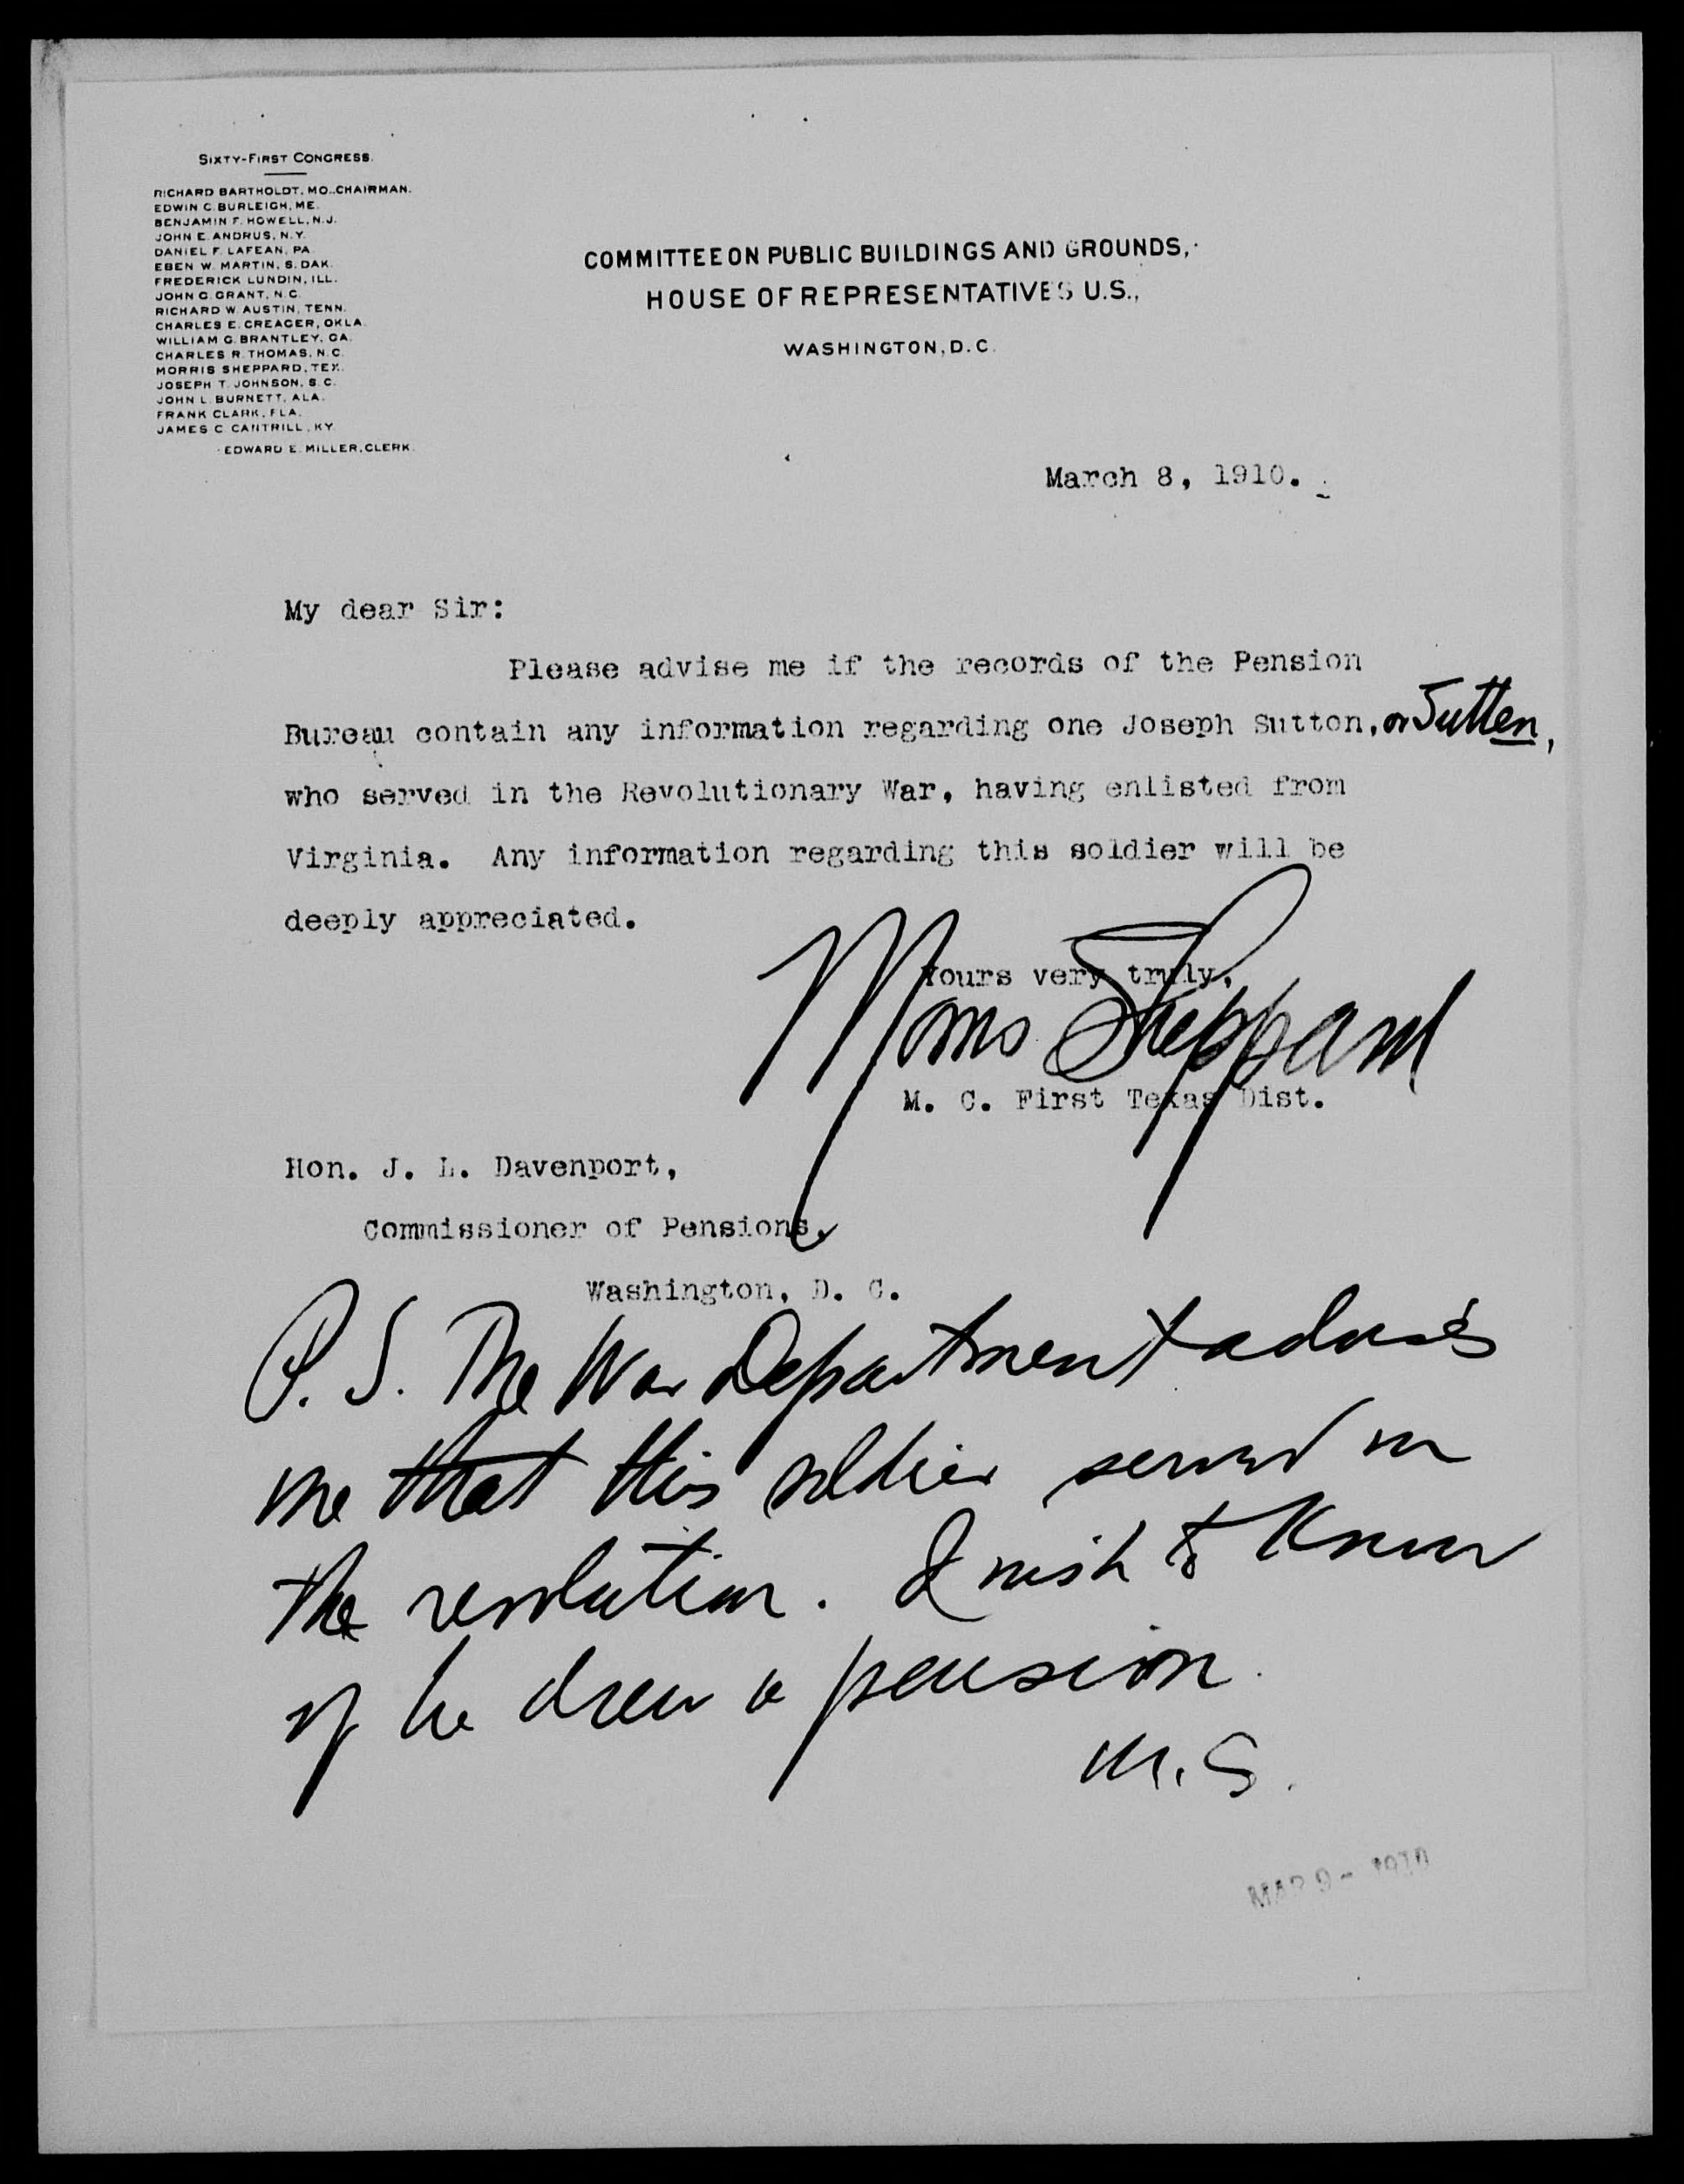Sixty-First Congress
Richard Bartholdt Mo chairman
Edwin Burleigh ME
Benjamin Howell N.J.
John E. Andrus N.Y.
Daniel F. Lafean, PA
Eben W. Martin, S. Dak.
Frederick Lundin, ILL.
John C. Grant, N.C.
Richard W. Austin, TENN
Charles E. Creager, OKLA
William G. Brantley, GA
Charles R. Thomas NC
Morris Sheppard, TEX
Joseph T. Johnson SC
John Burnett ALA
Frank Clark, FLA
James C. Cantrill, KY
Edward E. Miller, Clerk

Committee on Public Buildings and Grounds
House of Representatives U.S.
Washington, D.C.

March 8, 1910

My dear Sir:

Please advise me if the records of the Pension Bureau contain any information regarding one Joseph Sutton, or Sutten, who served in the Revolutionary War, having enlisted from Virginia. Any information regarding this soldier will be deeply appreciated.

Yours very truly,
M.C. First Texas District

Hon. J.L. Davenport
Commissioner of Pensions
Washington D.C.

P.S.
The War Department advises me that this Sutton served in the revolution. I wish to know if he drew a pension.
M.S.
March 9 1910 [stamped at bottom]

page: 21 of 21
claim: survivor's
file: S. 41223, for Joseph Sutton, Virginia